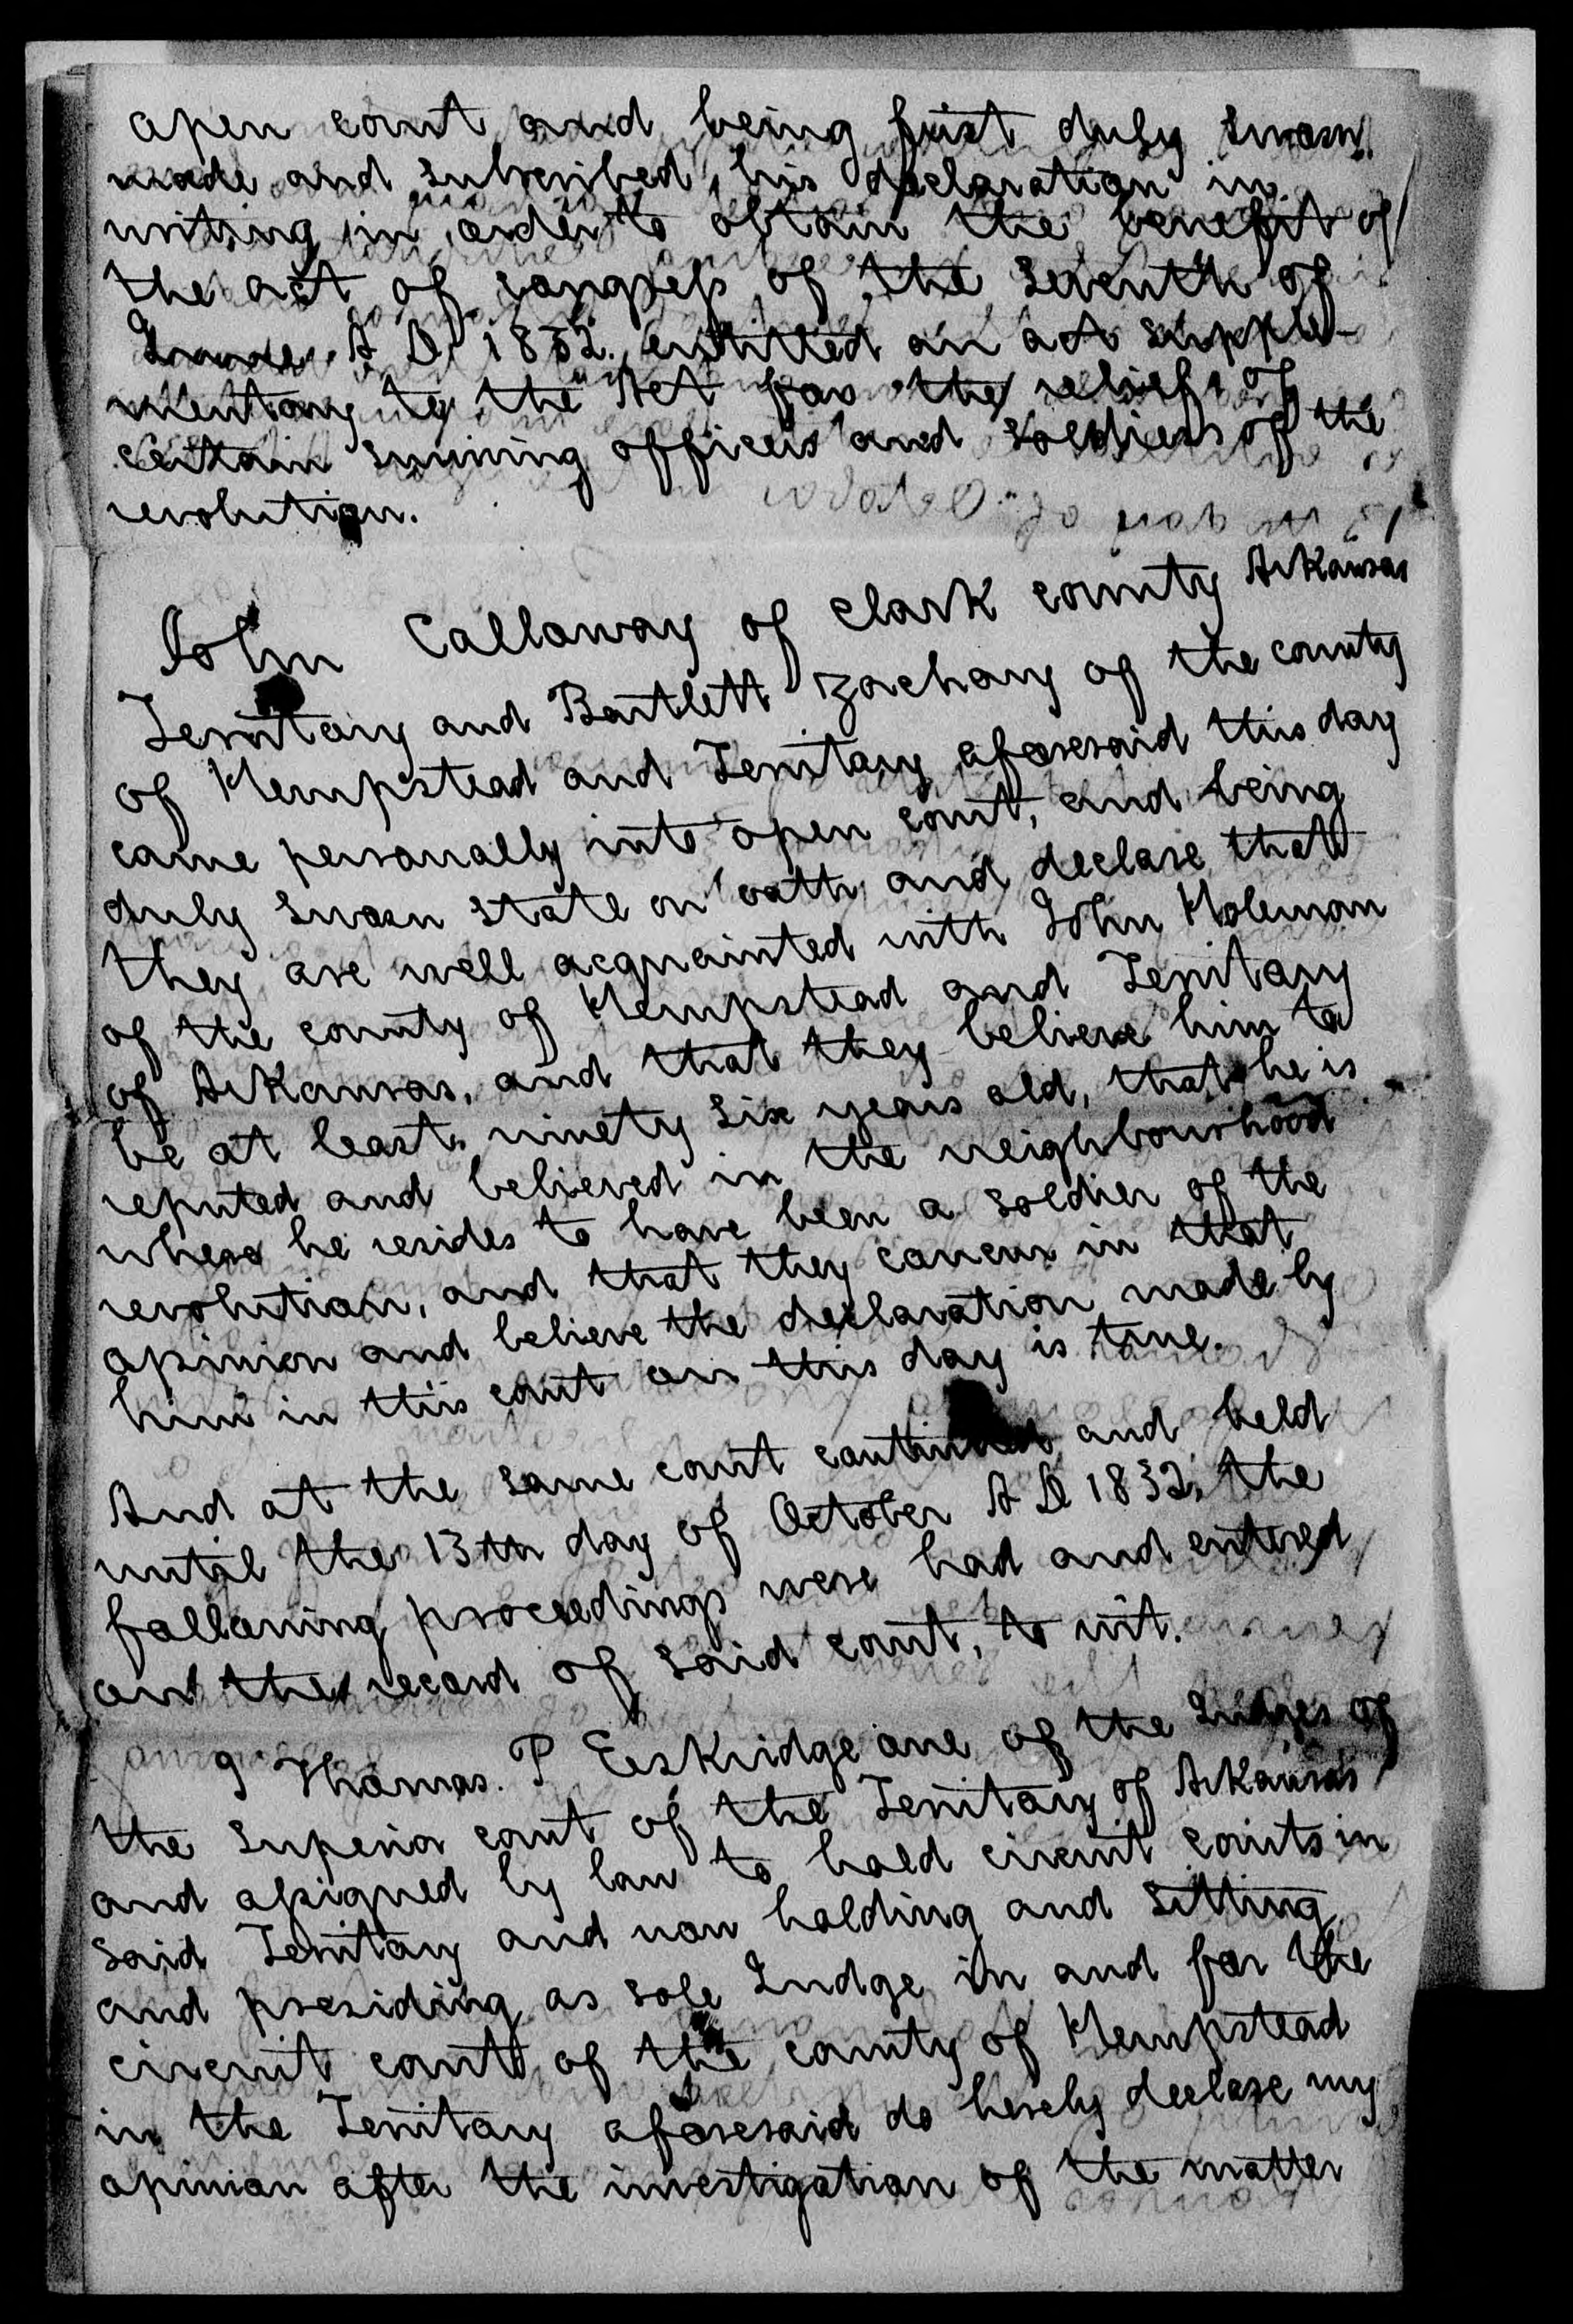open court and being first duly sworn made and subscribed his declaration in writing in order to obtain the benefit of the act of Congress of the seventh of June, AD 1832 entitled an act supplementary to the Act for the relief of certain surviving officers and soldiers of the revolution.
John Calloway of Clark county Arkansas Territory and Bartlett Zachary of the county of Hempstead and Territory aforesaid this day came personally into open court, and being duly sworn state on oath and declare that they are well acquainted with John Holman of the county of Hempstead and Territory of Arkansas, and that they believe him to be at least ninety six years old, that he is reputed an believed in the neighbourhood where he resides to have been a soldier of the revolution, and that they concur in that opinion and believe the declaration made by him in this court on this day is true.
And at the same court continued and held until the 13th day of October A. D. 1832 the following proceedings were had and entered and the record of said court, to wit.
I Thomas P. Eskridge one of the Judges of the Superior Court of the Territory of Arkansas and assigned by law to hold circuit courts in said Territory and now holding and sitting and presiding as sole Judge in and for the circuit court of the county of Hempstead in the Territory aforesaid do hereby declare my opinion after the investigation of the matter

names: John Callaway, John Holeman, Bartlett Zachary, Thomas P Eskridge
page: 9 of 30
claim: survivor's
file: S. 31753, John Holman, Va.